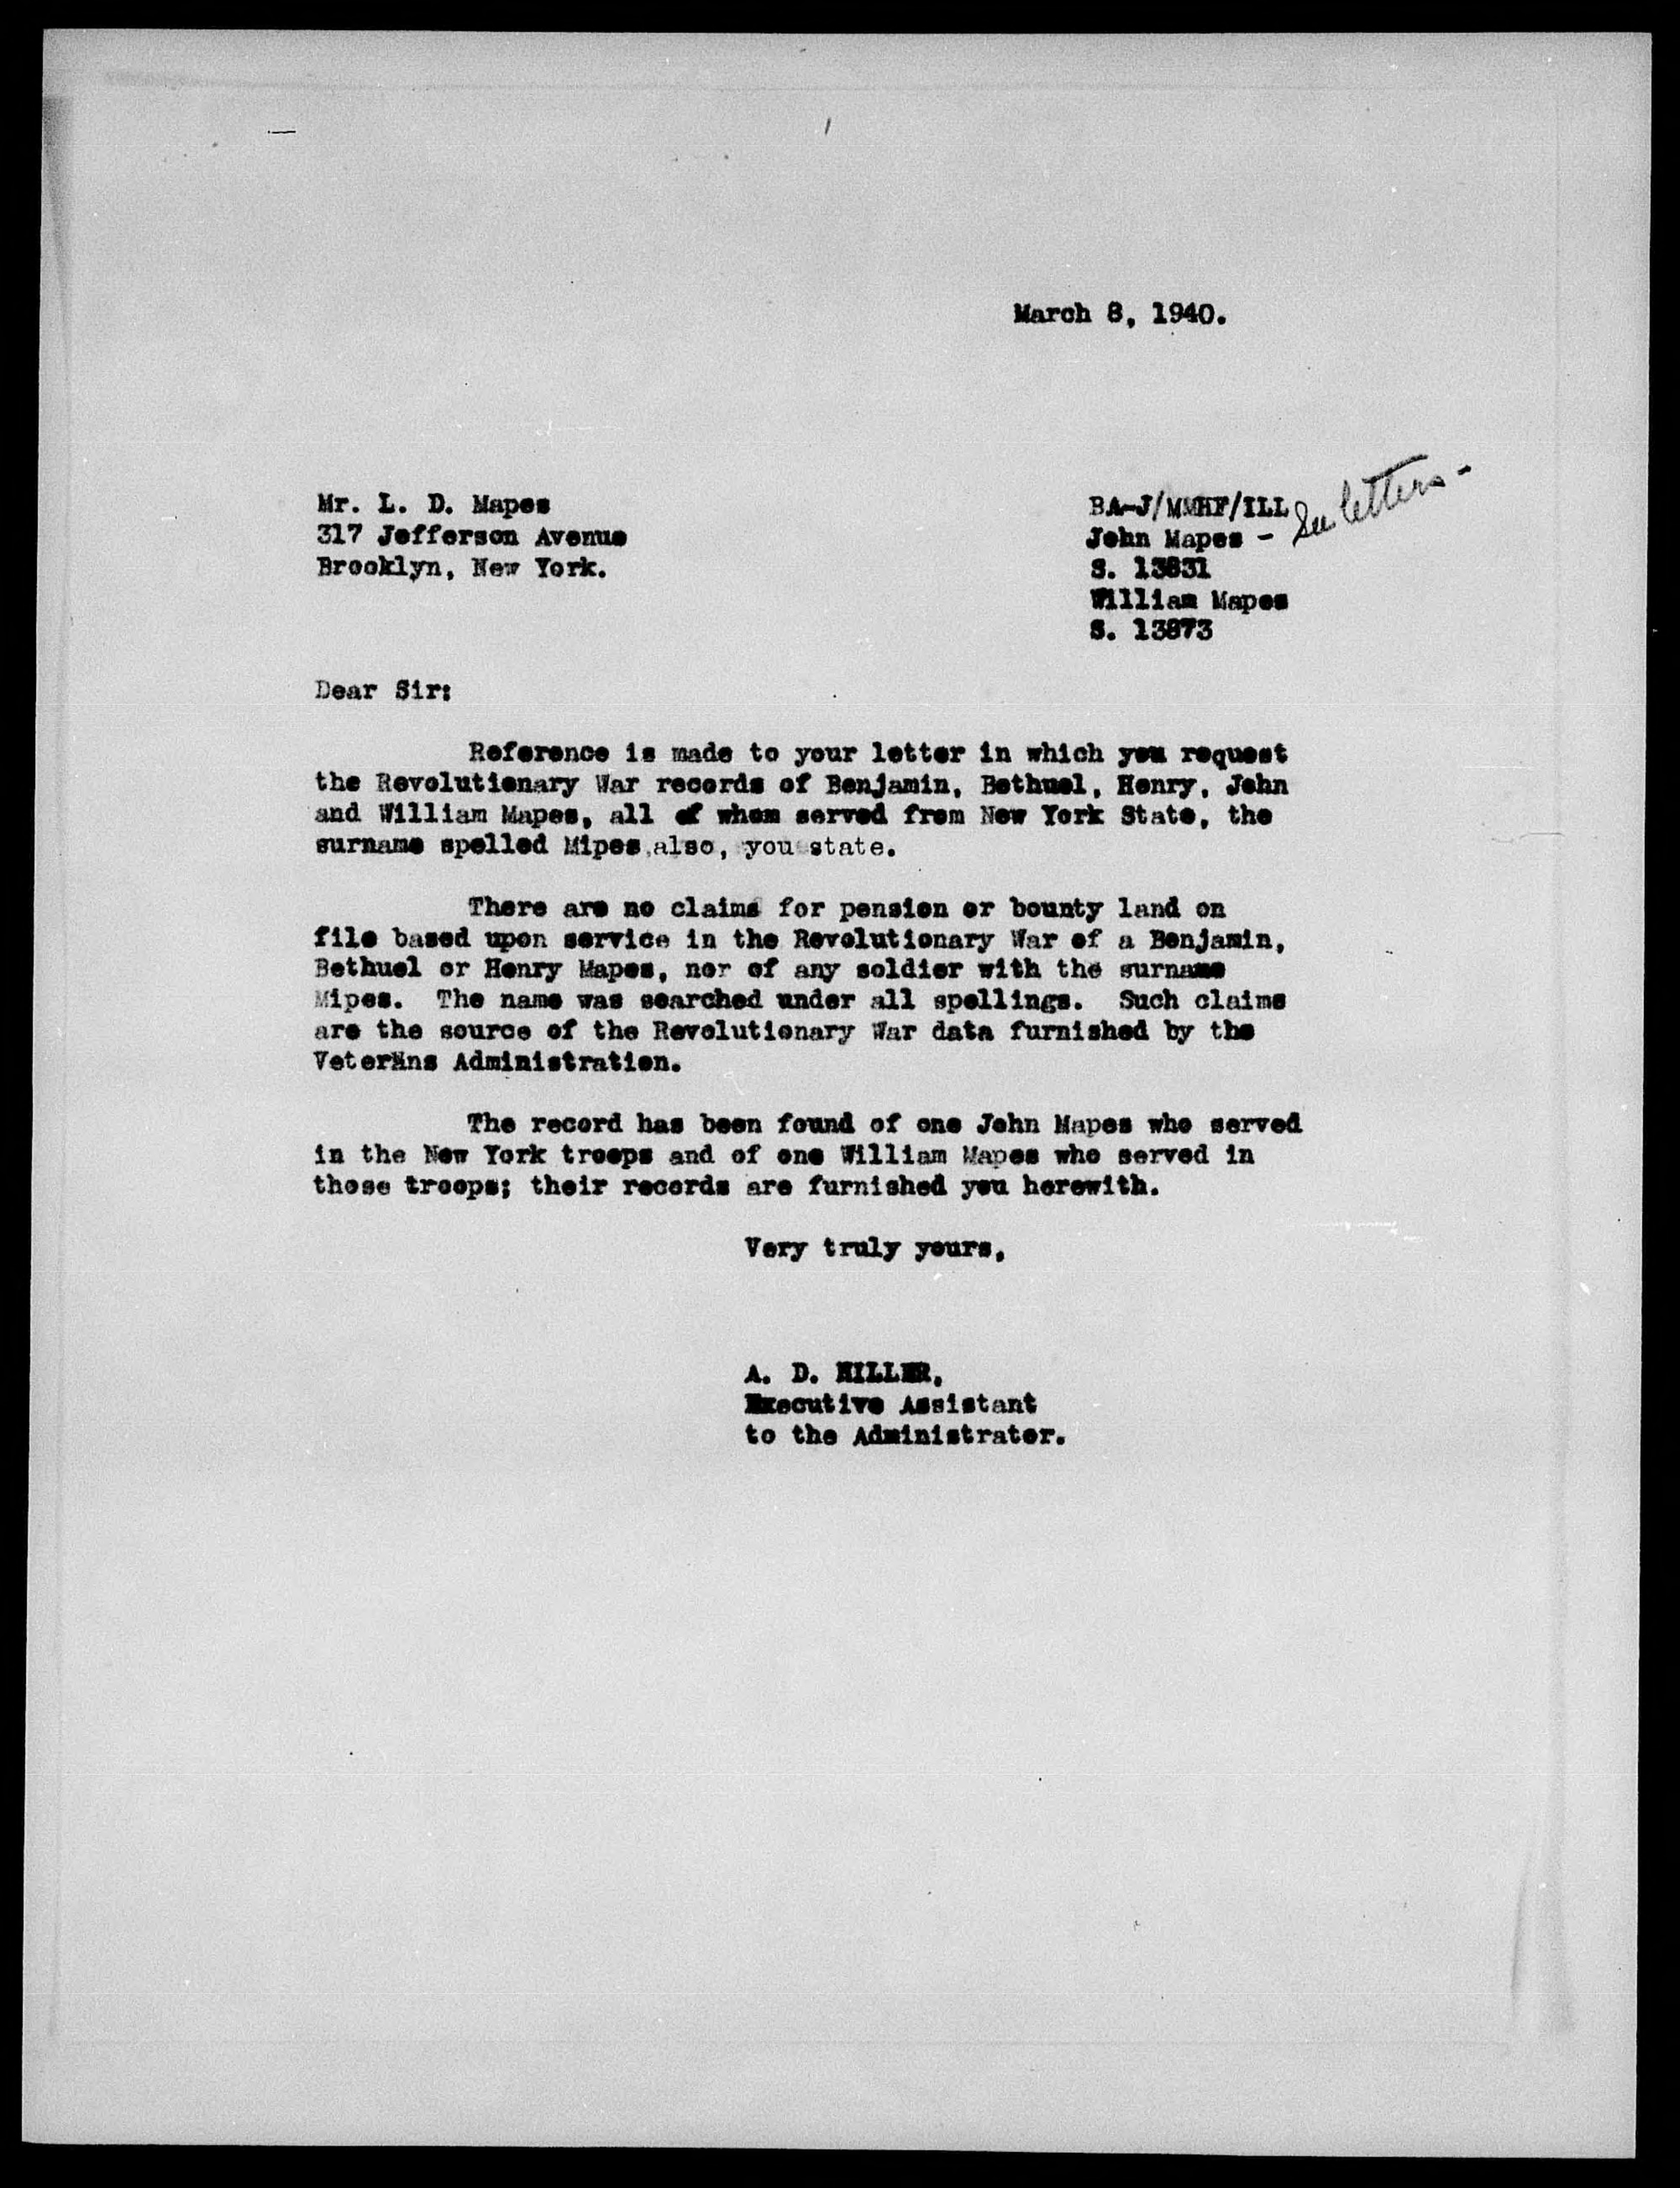March 8, 1940


BA-J/MMHF/ILL
John Mapes 
S. 13831         (notation  -see letters-)
William Mapes 
S. 13873 

Mr. L. D. Mapes 
317 Jefferson Avenue 
Brooklyn, New York. 

Dear Sir: 

Reference is made to your letter in which you request the Revolutionary War records of Benjamin, Bethuel, Henry, John and William Mapes, all of when served from New York State, the surname spelled Mipes, also, you state. 

There are no claims for pension or bounty land on file based upon service in the Revolutionary War of a Benjamin, Bethuel or Henry Mapes, nor of any soldier with the surname Mipes. The name was searched under all spellings. Such claims are the source of the Revolutionary War data furnished by the Veterans Administration. 

The record has been found of one John Mapes who served in the New York troops and of one William Mapes who served in these troops; their records are furnished you herewith. 

Very truly yours, 

A. D. HILLER, Executive Assistant 
to the Administrator.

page: 25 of 30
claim: survivor's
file: S. 13,873, for William Mapes, New York